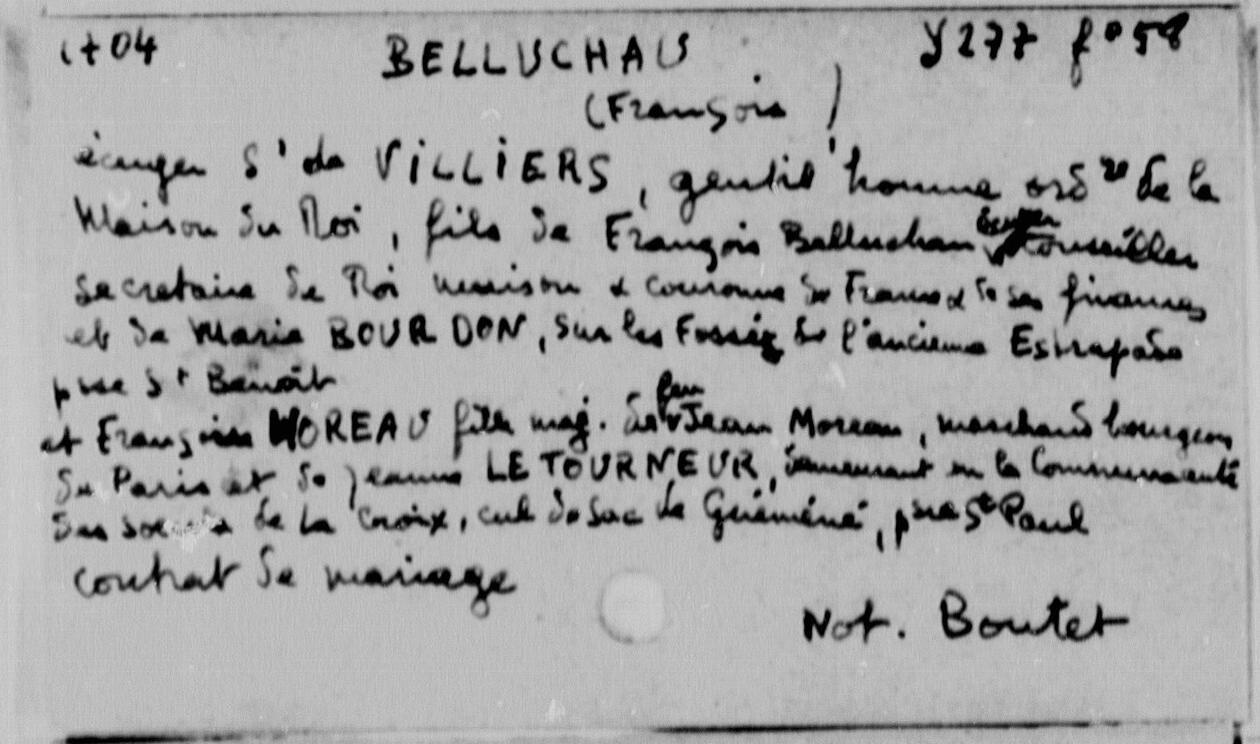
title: BELLUCHAU (François)
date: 1704
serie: Y
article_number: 277
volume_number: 58
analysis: Écuyer sieur de VILLIERS, gentilhomme ordinaire de la maison du roi, fils de François Belluchau écuyer, conseiller secrétaire du roi maison et couronne de France et de ses finances et de Marie BOURDON, sur les Fossés de l'ancienne Estrapade paroisse Saint-Benoît et Françoise MOREAU fille majeure, de feu Jean Moreau, marchand bourgeois de Paris, et de Jeanne LE TOURNEUR demeurant en la communauté des sœurs de La Croix, cul de sac de Guéméné, paroisse Saint-Paul Contrat de mariage. Notaire Boutet, notaire.
